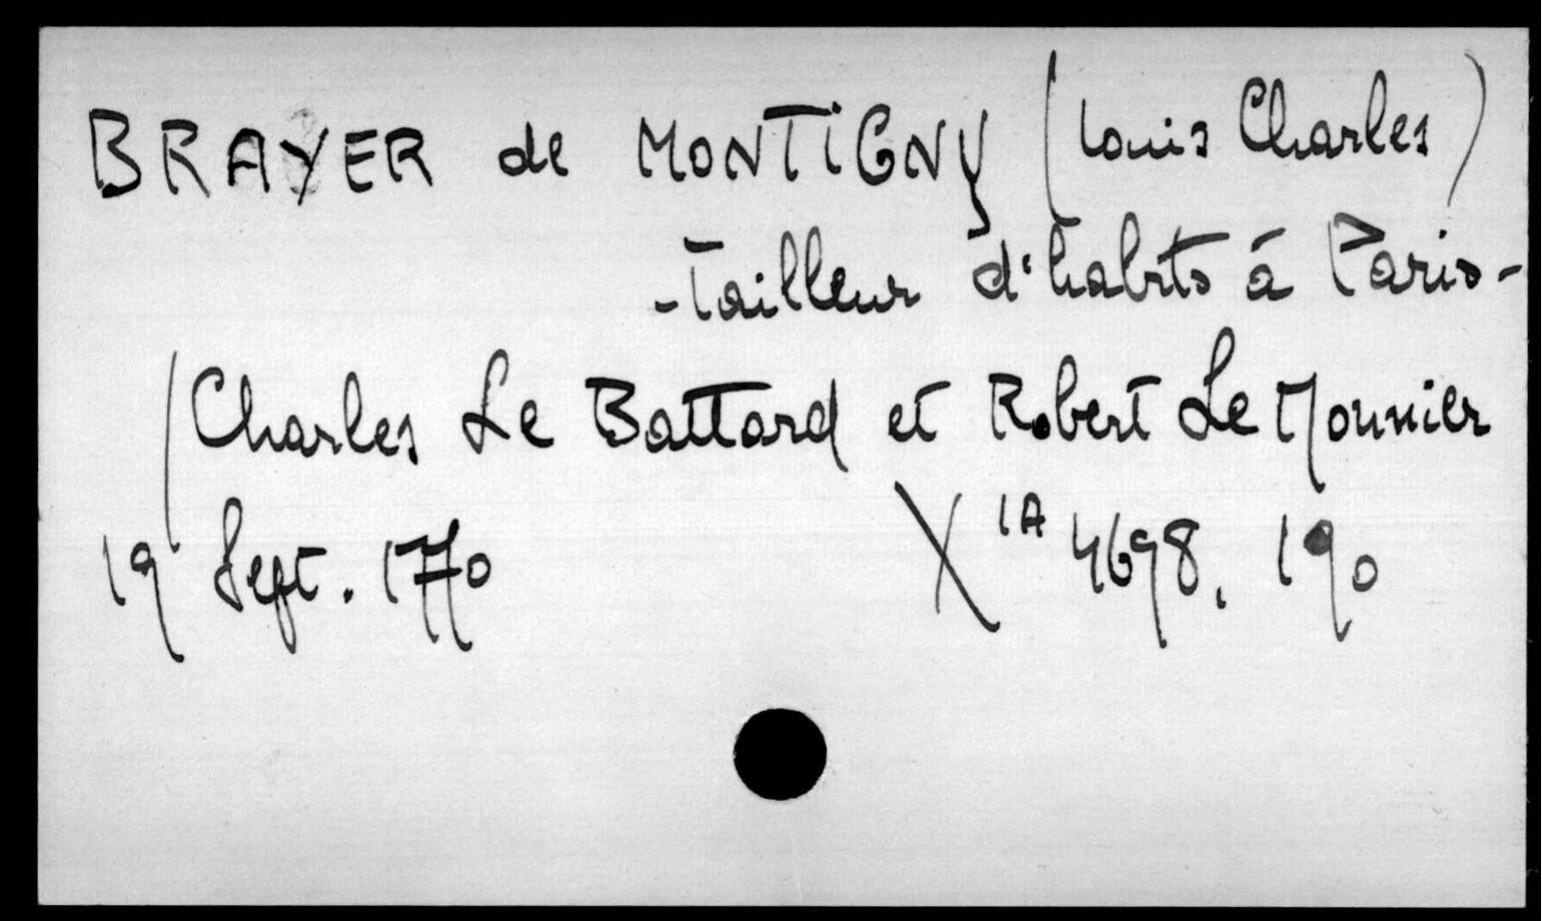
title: BRAYER de MONTIGNY (Louis Charles) - Tailleur d'habits à Paris.
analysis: Contre Charles Le Battard et Robert de Monnier
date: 19 septembre 1770
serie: X1A
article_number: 4698
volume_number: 190
